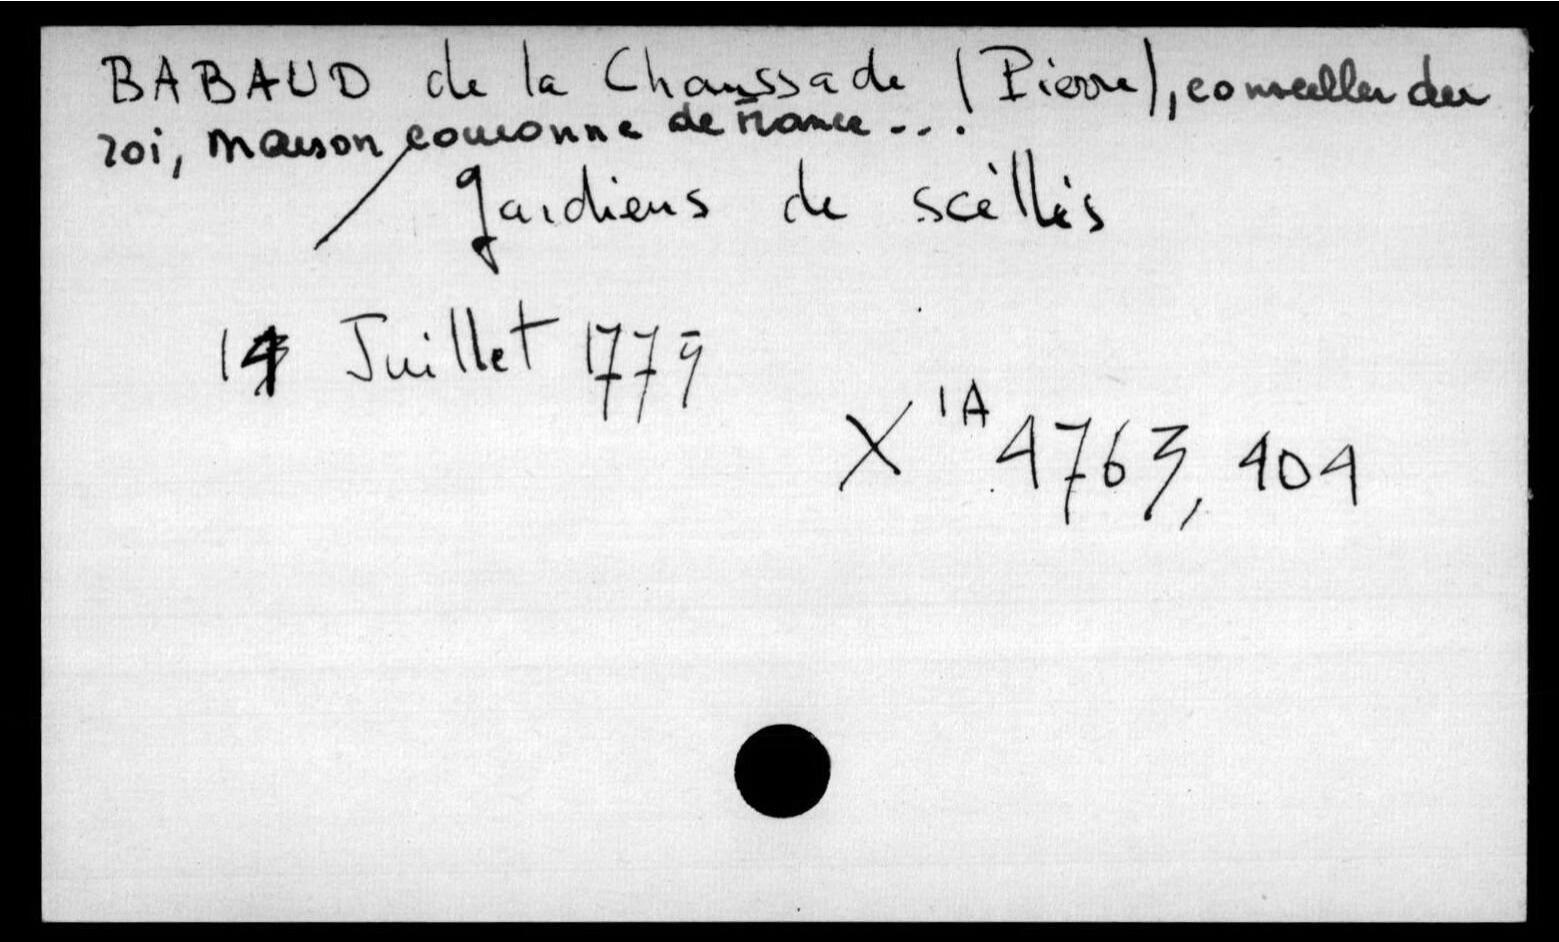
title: BABAUD de la Chaussade (Pierre), conseiller du roi, maison couronne de France
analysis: Contre Gardiens de Scellés
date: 14 juillet 1775
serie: X1A
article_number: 4763
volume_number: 404
